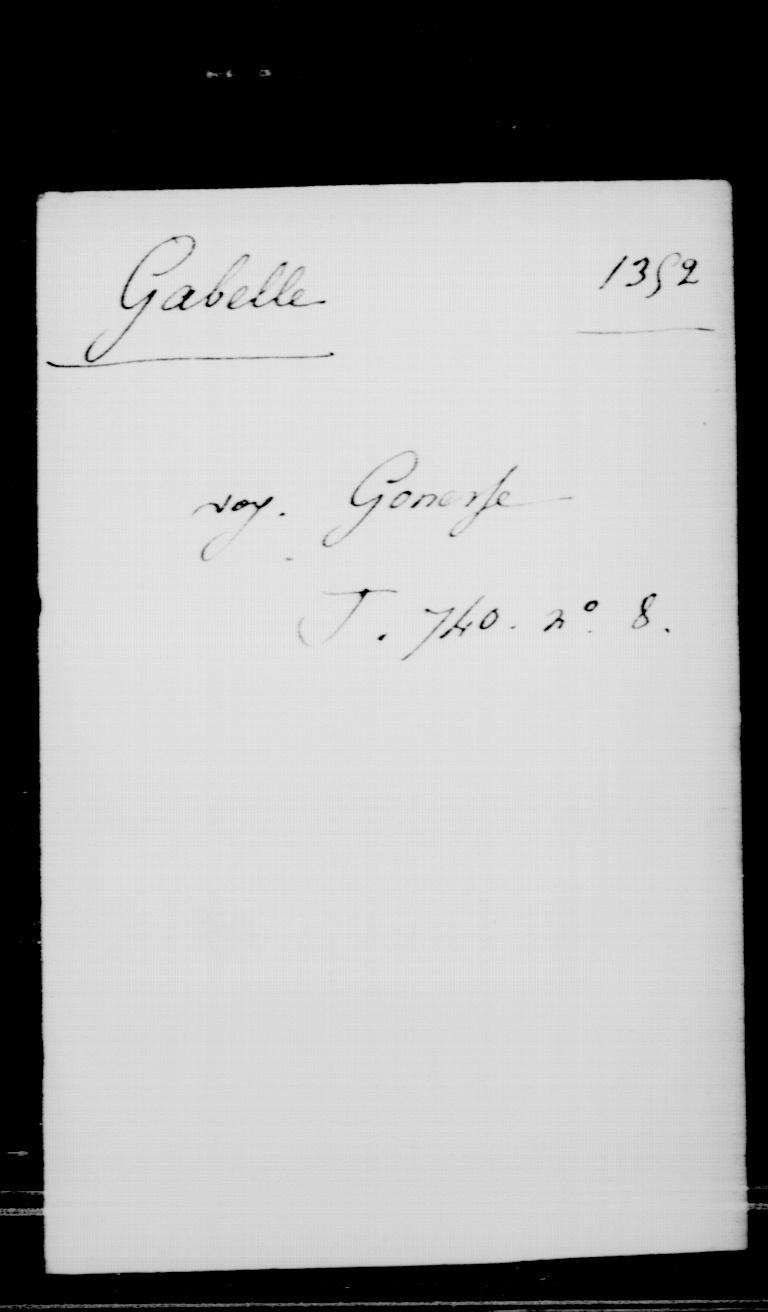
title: Gabelle
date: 1352
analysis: Voy. Gonesse
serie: J
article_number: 740
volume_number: n° 8
